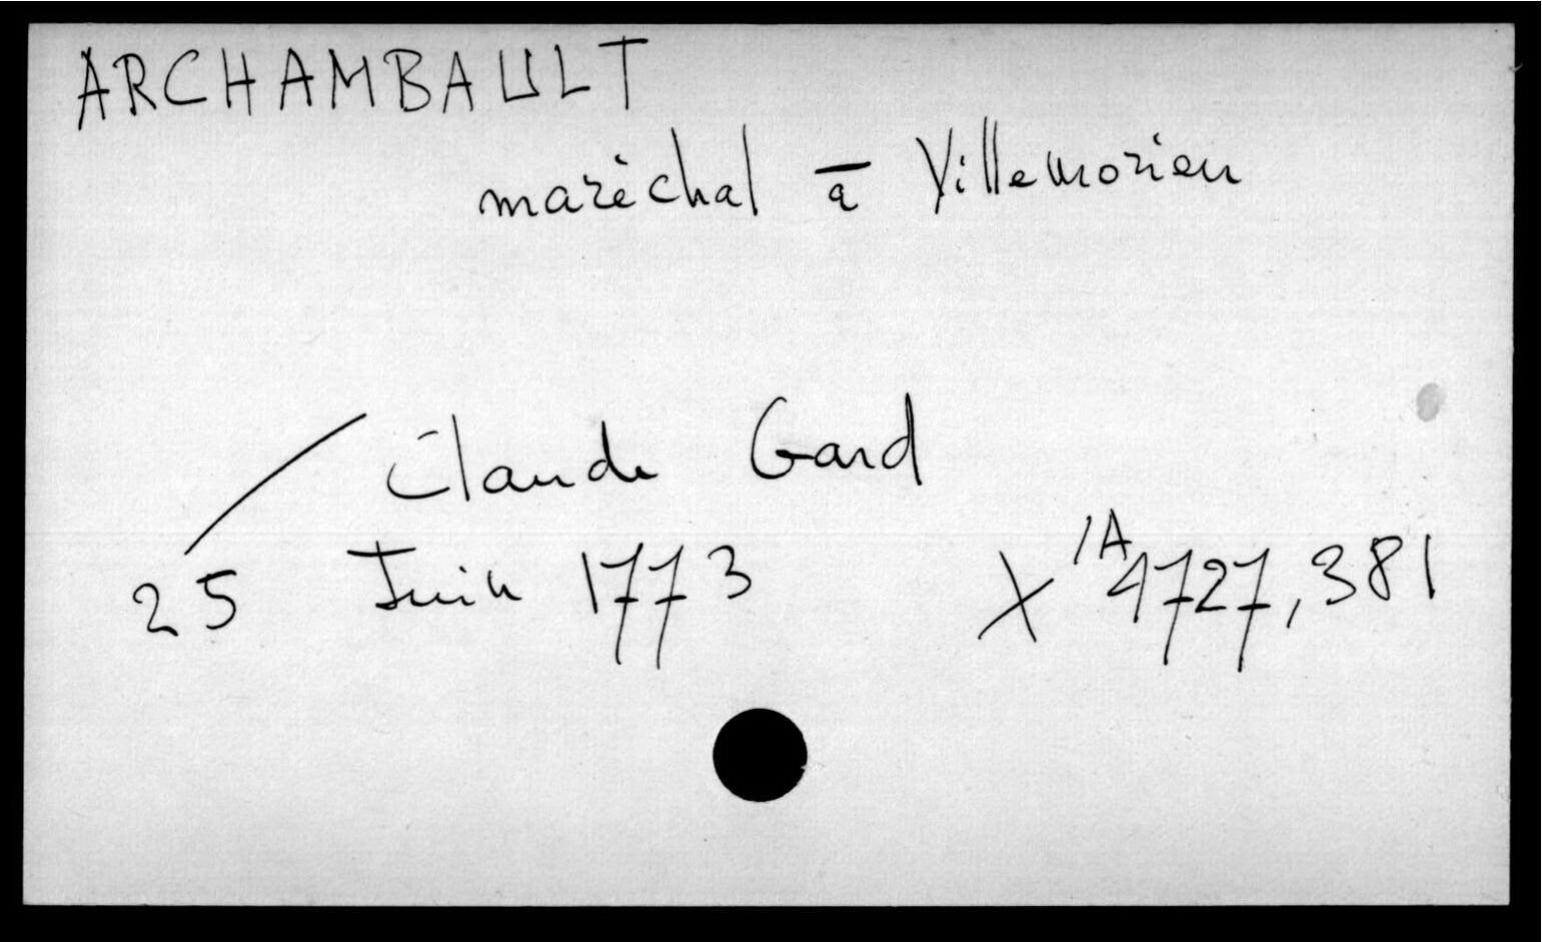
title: ARCHAMBAULT maréchal à Villemorieu
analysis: Contre Claude Gard
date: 25 juin 1773
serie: X1A
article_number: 4727
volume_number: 381
